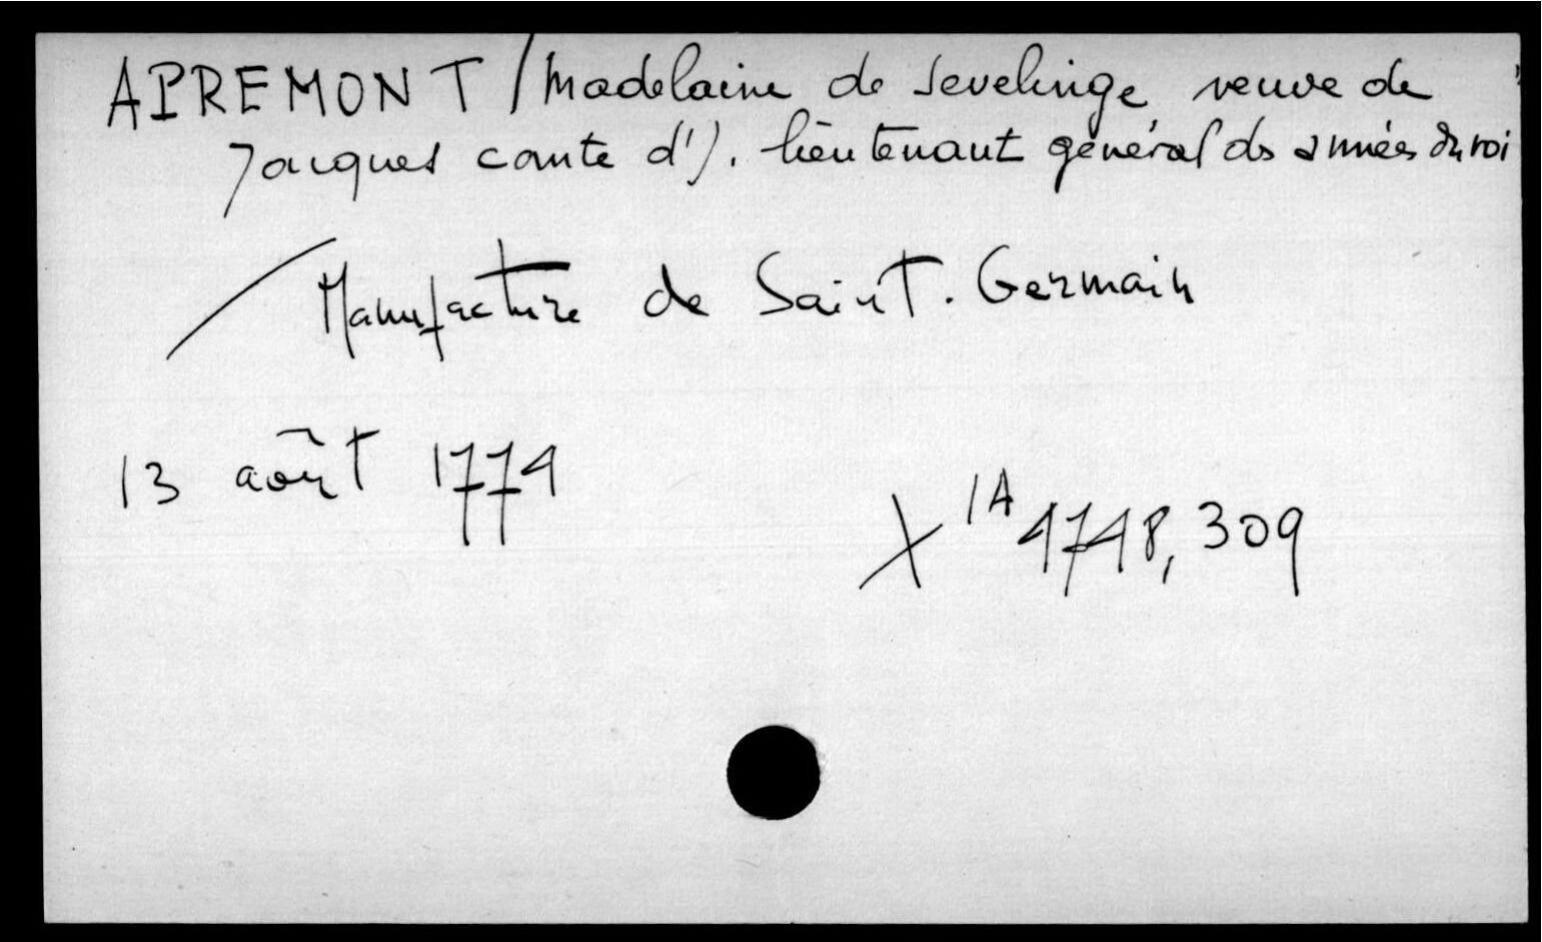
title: APREMONT (Madelaine de Sevelinge, veuve de Jacques comte d'), lieutenant général des armées du roi
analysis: Contre Manufacture de Saint-Germain
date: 13 août 1774
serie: X1A
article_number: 4748
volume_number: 309
